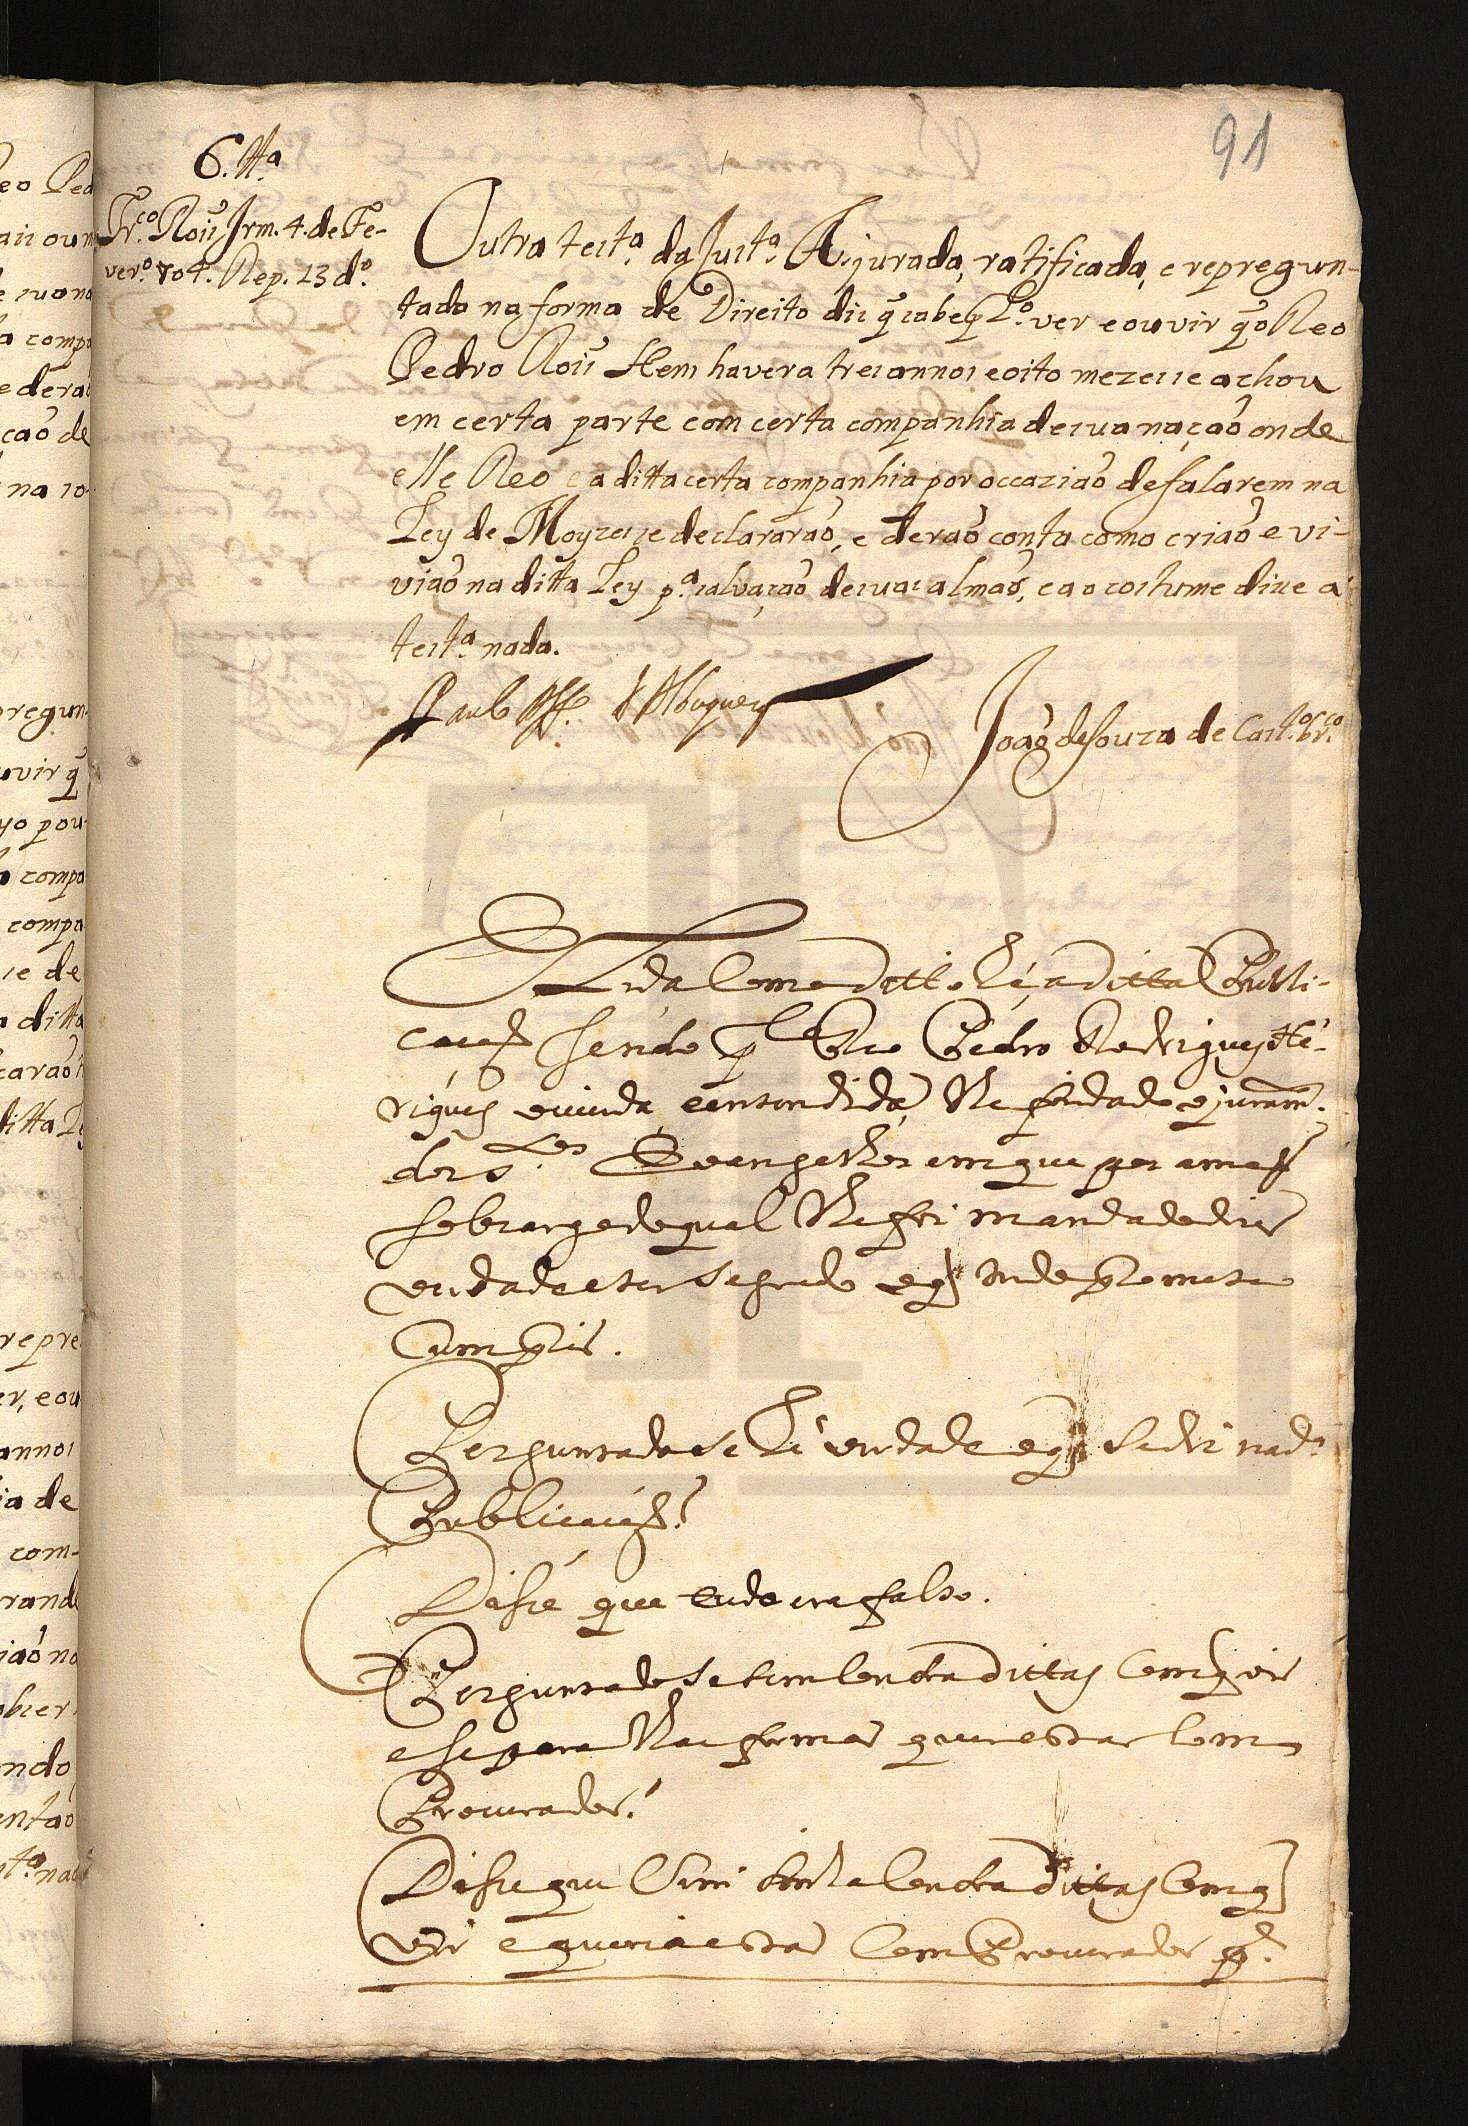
6. tt.a
Fr.co Rois̄ Jrm. 4. de Fe
ver.o 704. Rep. 13 d.o
Outra test.a da Just.a A. jurada, ratificada, e repregun
tada na forma de Direito dis q̄ sabe pL.o ver e ouvir q̄ o Reo
Pedro Rois̄ Hens havera tres annos e oito mezes se achou
em certa parte com certa companhia de sua naçaõ onde
elle Reo e a ditta certa companhia por occaziaõ de falarem na
Ley de Moyzes se declararaõ, e deraõ conta como criaõ e vi
viaõ na ditta Ley p.a salvaçaõ de suas almas, e ao costume disse a
test.a nada.
Paulo Aff.o dAlbuquerq̄
Joaõ de Souza de cast.o br.co
E Lida, como ditto hé, a ditta Publi
caçaõ sendo plo Reo Pedro Rodrigues Hē
riques ouuida, e entendida, lhe foi dado o juram.to
dos s.tos Evangelhos em que poz a maõ
sob cargo do qual lhe foi mandado dizer
verdade e ter segredo o q̄ tudo prometeo
Cumprir.
Perguntada se hé verdade o q̄ se diz na da
Poblicaçaõ?
Disse que tudo era falso.
Perguntado se tem Contradittas Com q̄ vir
e se para lhas formar quer estar com
Procurador?
Disse que Sim tinha Contradittas com q̄
vir e queria esta Com Procurador p.a
